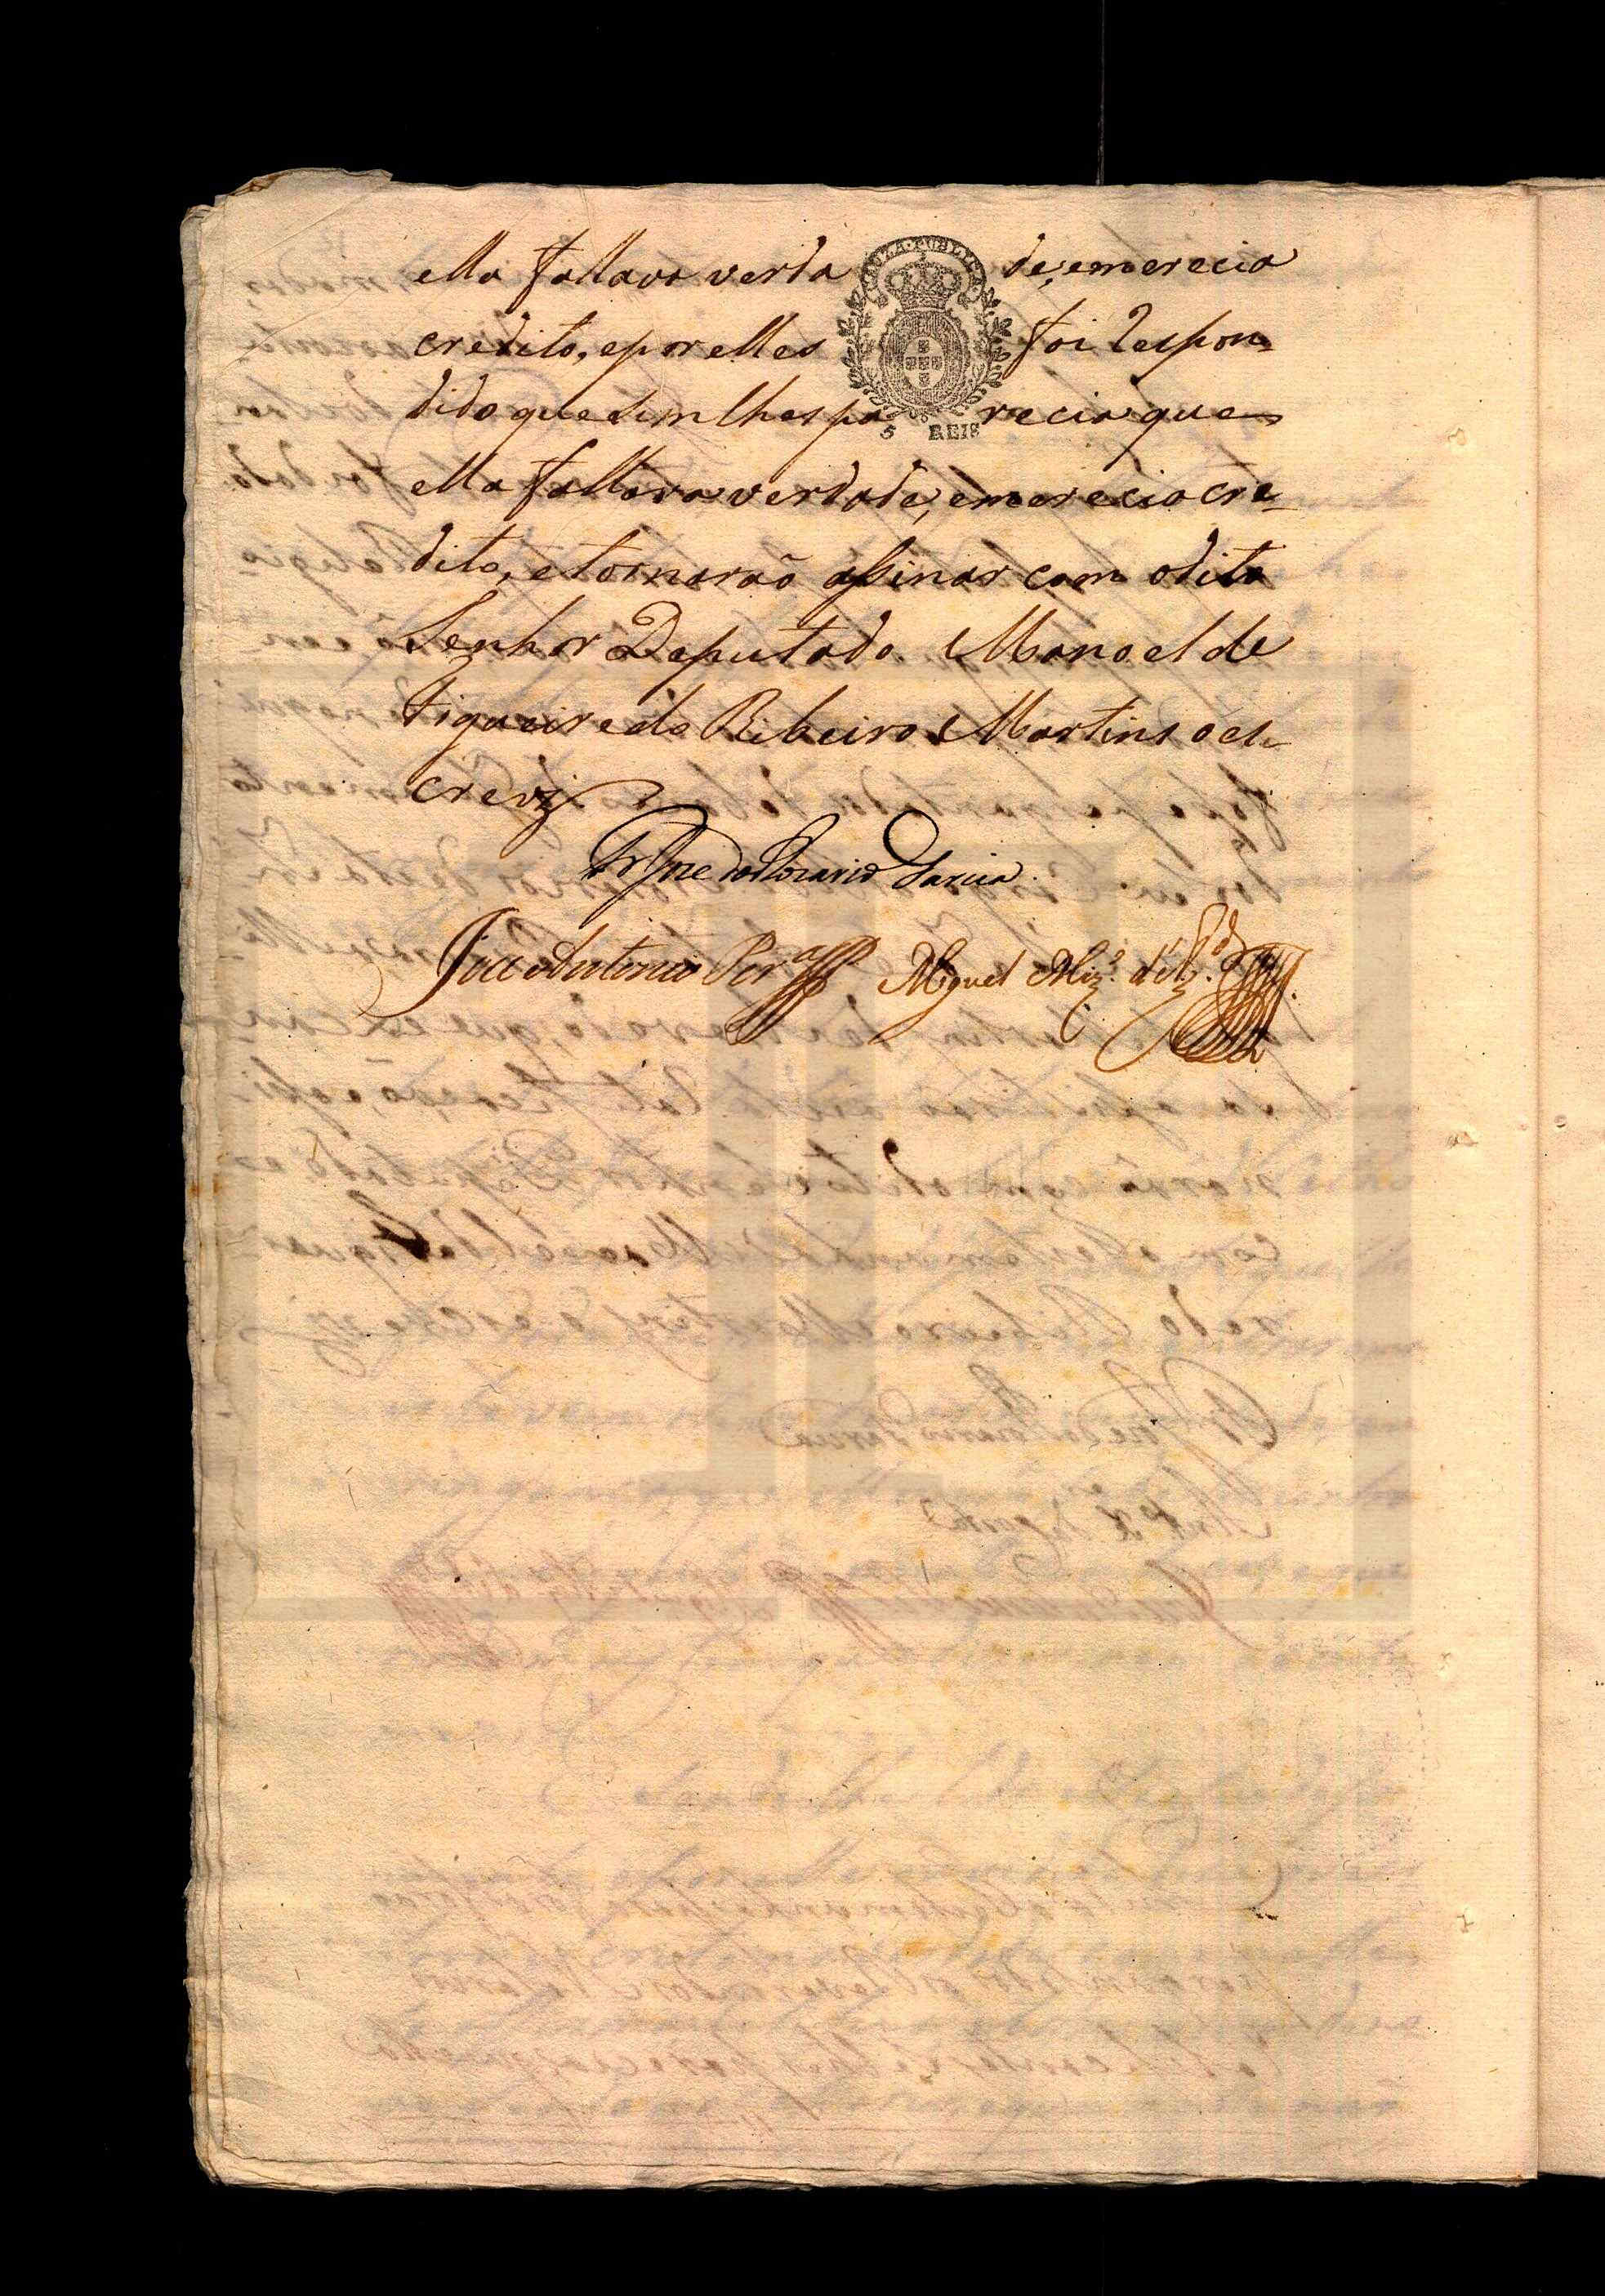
ella fallava verda de, e merecia
credito, e por elles foi Respon
dido que sim lhes pa recia que
ella fallava verdade, e merecia cre
dito, e tornaraõ assinar com o dito
Senhor Deputado. Manoel de
Figueiredo Ribeiro Martins o es
crevy
Fr Joze do Rozario Garcia
Joce Antonio Per.a Miguel Miz̄ d'Az.do
